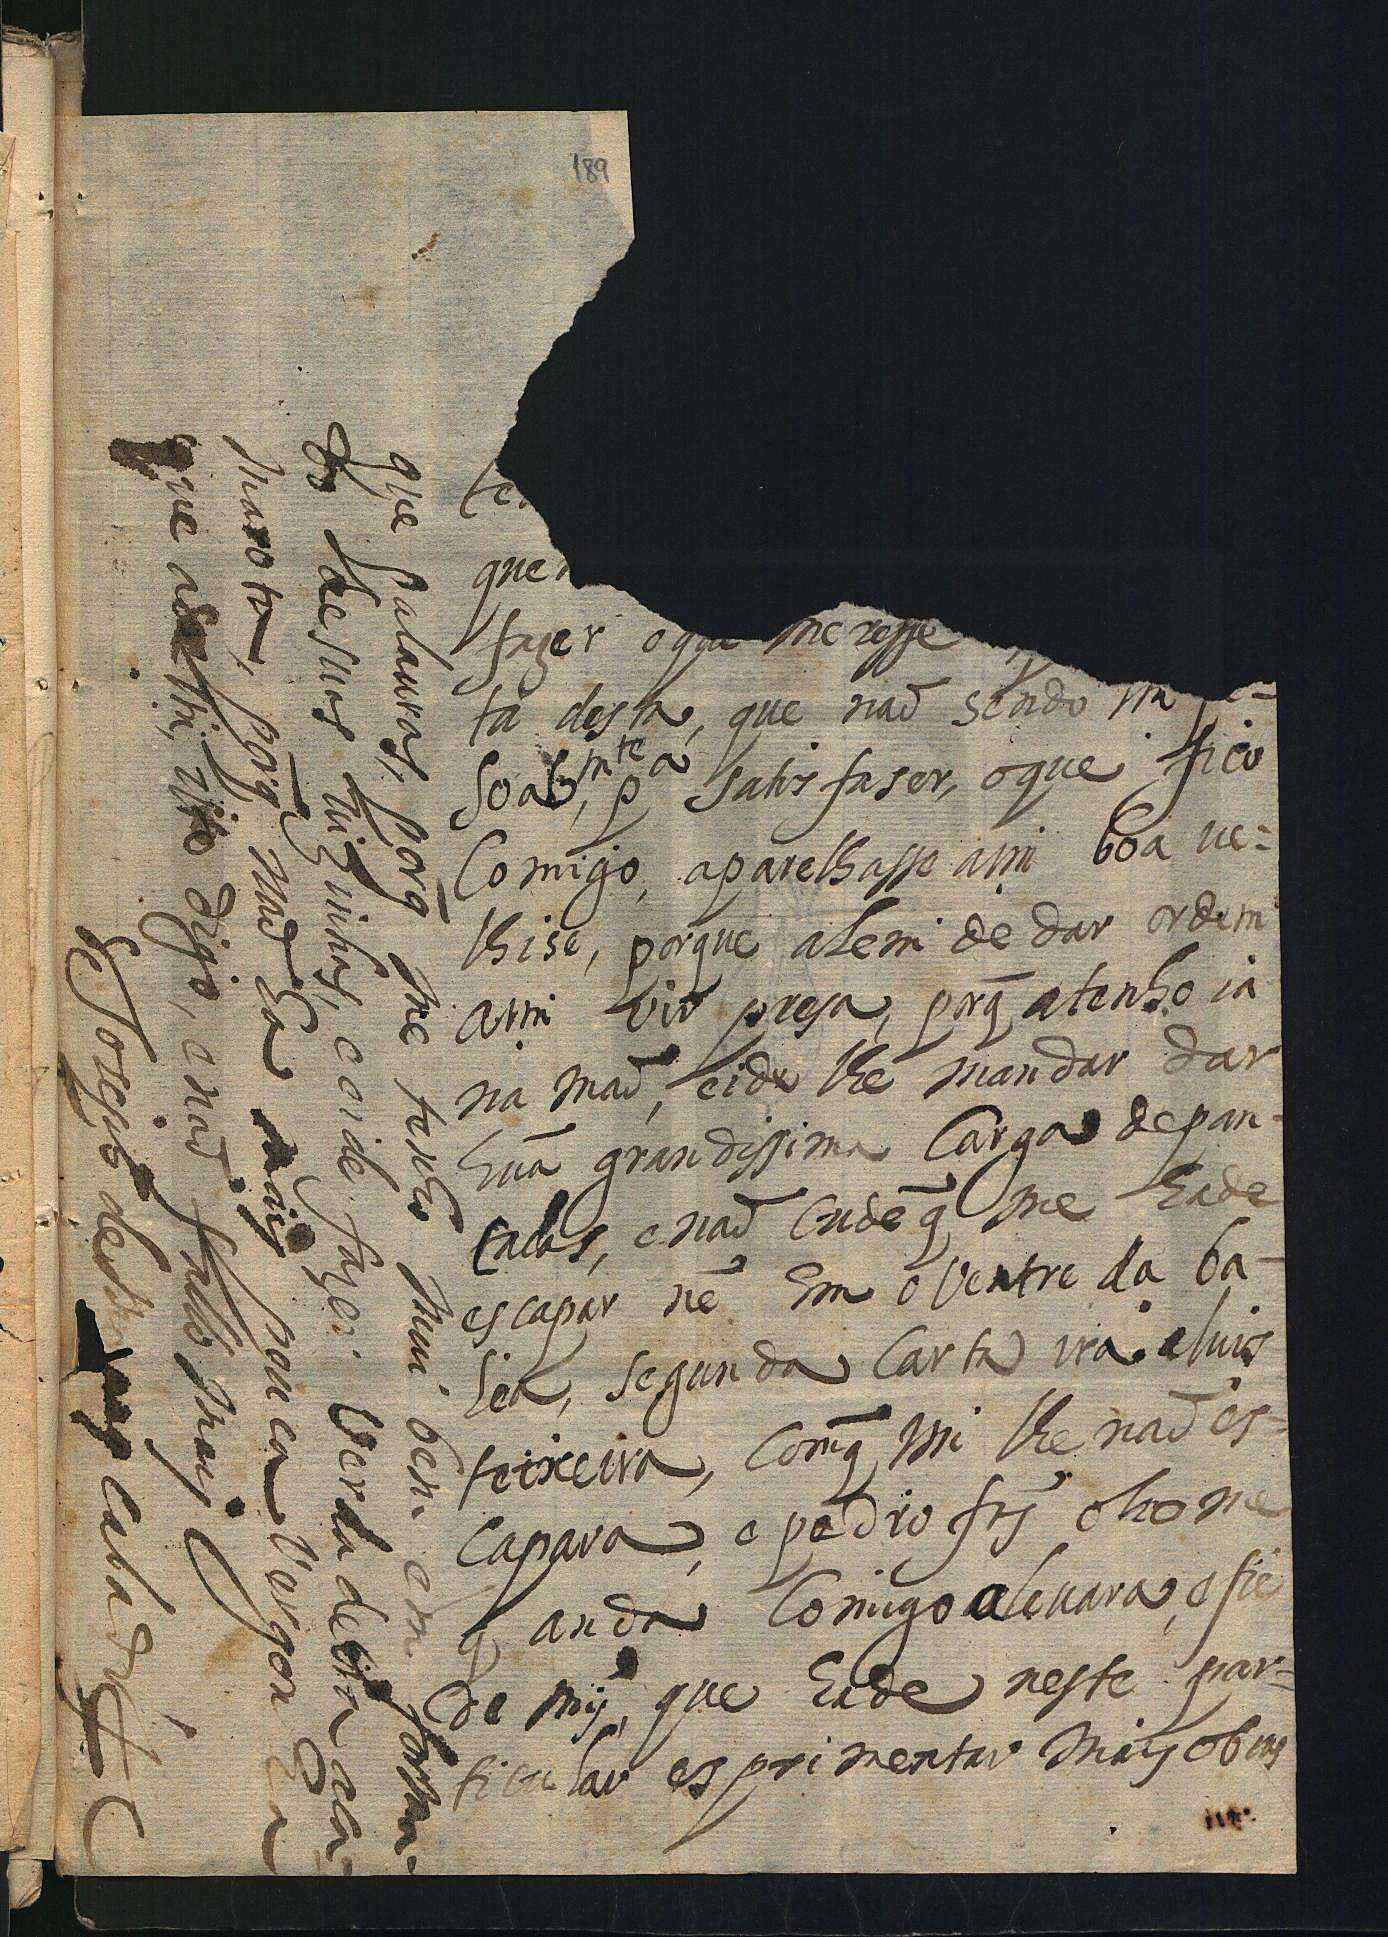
te
que
fazer o que meresse
ta desta, que naõ sendo vm p
soalmte, pa satisfaser, o que fico
Comigo, aparelhasse a vm boa ue
lhise, porque alem de dar ordem
a vm vir presa, porq̄ a tenho ia
na maõ, eide lhe mandar dar
huā grandissima Carga de pan
cadas, e não cude q̄ me ha de
escapar nē Em o ventre da ba
lea, segunda carta ira a luis
teixeira, com q̄ vm lhe naõ es
capara, e pedro frs̄ o home
q̄ anda Comigo a leuara, e fie
de my que hade neste par
ticular esprimentar mais obras
que palauras, porq̄ me tenho mui bem emforma
do de suas uizinhas, e eide fazer verdadeira a ca
marota, porq̄ naõ ha mais pouca vergonha
que a de vma, isto digo, e naõ fallo mais
Joseph de Moraes Calado
